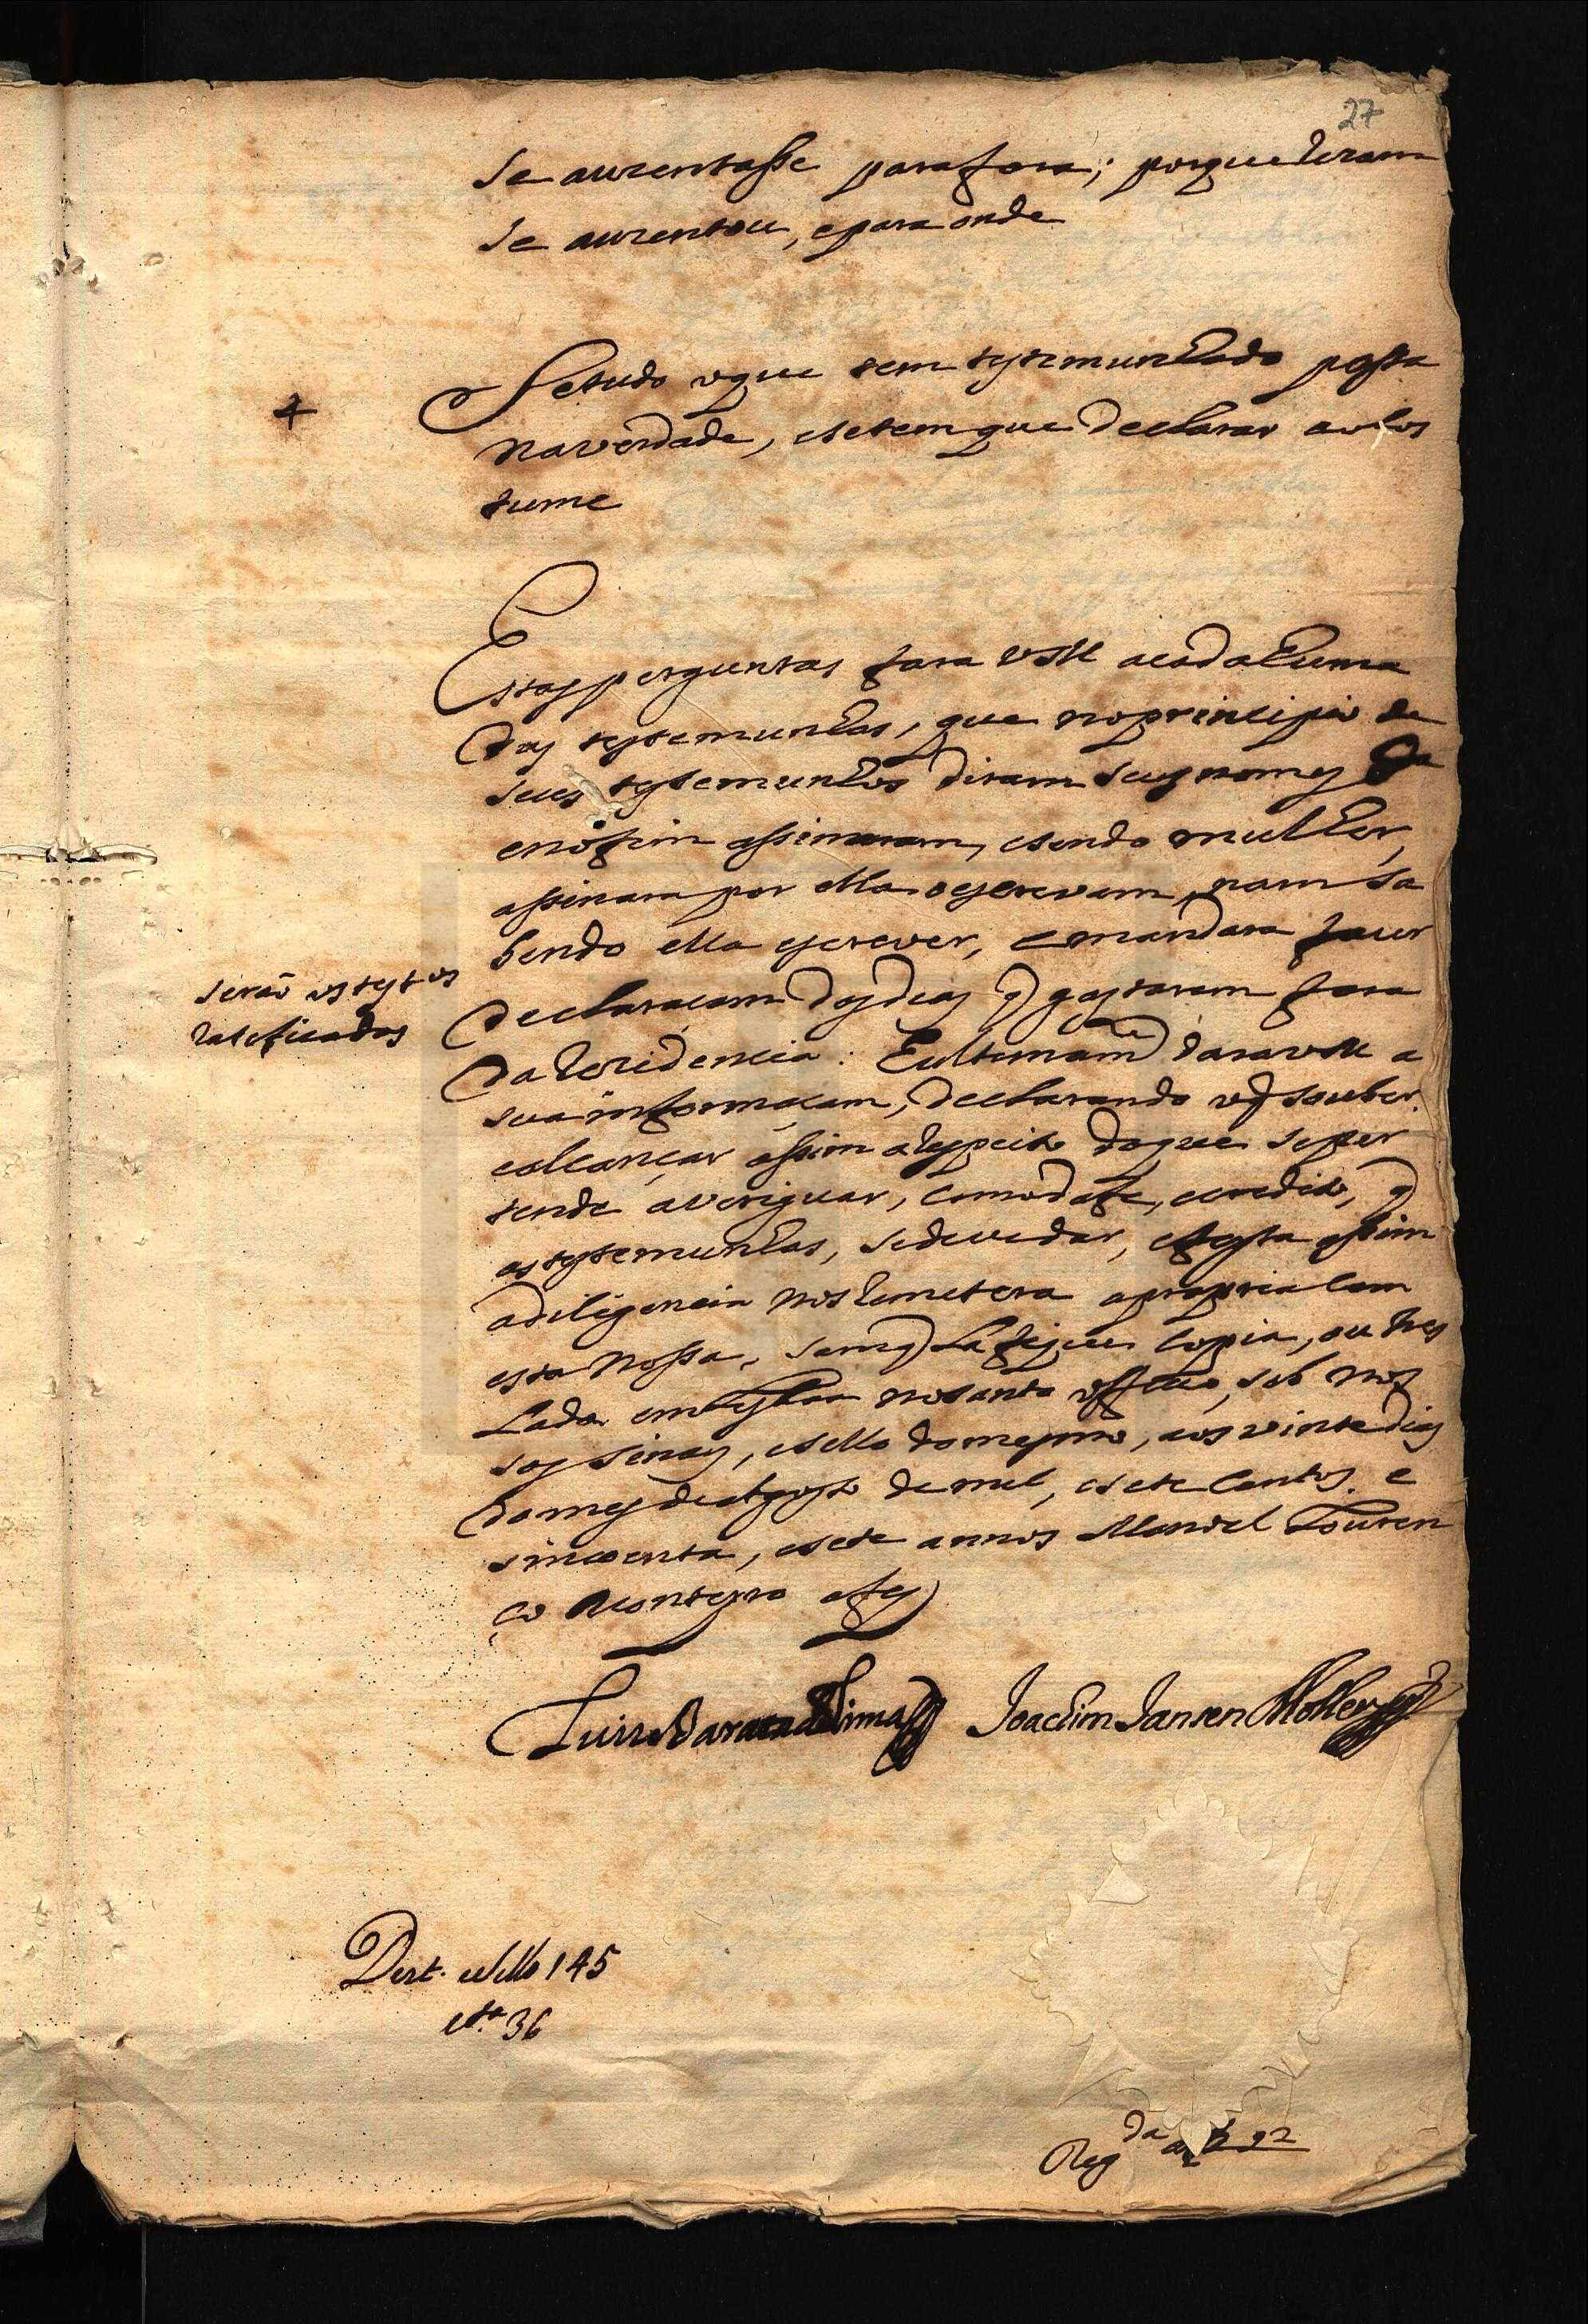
seraõ os testos
rateficados
se auzentasse para fora; porque Rezam
se auzentou, e para onde
Se tudo o que tem testemunhado passa
na verdade, e se tem que declarar ao cos
tume
Estas perguntas fara v M a cada huma
das testemunhas, que no principio de
seus testemunhos diram seus nomes
e no fim assinaram, e sendo mulher,
assinara por ella o escrevam, nam sa
bendo ella escrever, e mandara fazer
declaraçam dos dias q̄ gastaram fora
da Rezidencia: E ultimamte dara v M a
sua informaçam, declarando o q̄ souber,
e alcançar assim a Respeito do que se per
tende averiguar, como da fe, e credito q̄
as testemunhas, se deve dar, e feyta assim
a diligencia nos Remetera a propria com
esta nossa, sem q̄ La fique copia, ou tres
Lado em Lisboa no santo officio, sob nos
sos sinais, e sello do mesmo, aos vinte dias
do mes de Agosto de mil, e setecentos. e
sincoenta, e sete annos Manoel Louren
ço Monteyro o fes
Dest. e sello 145
ct.a 36
Regda a fL 12
